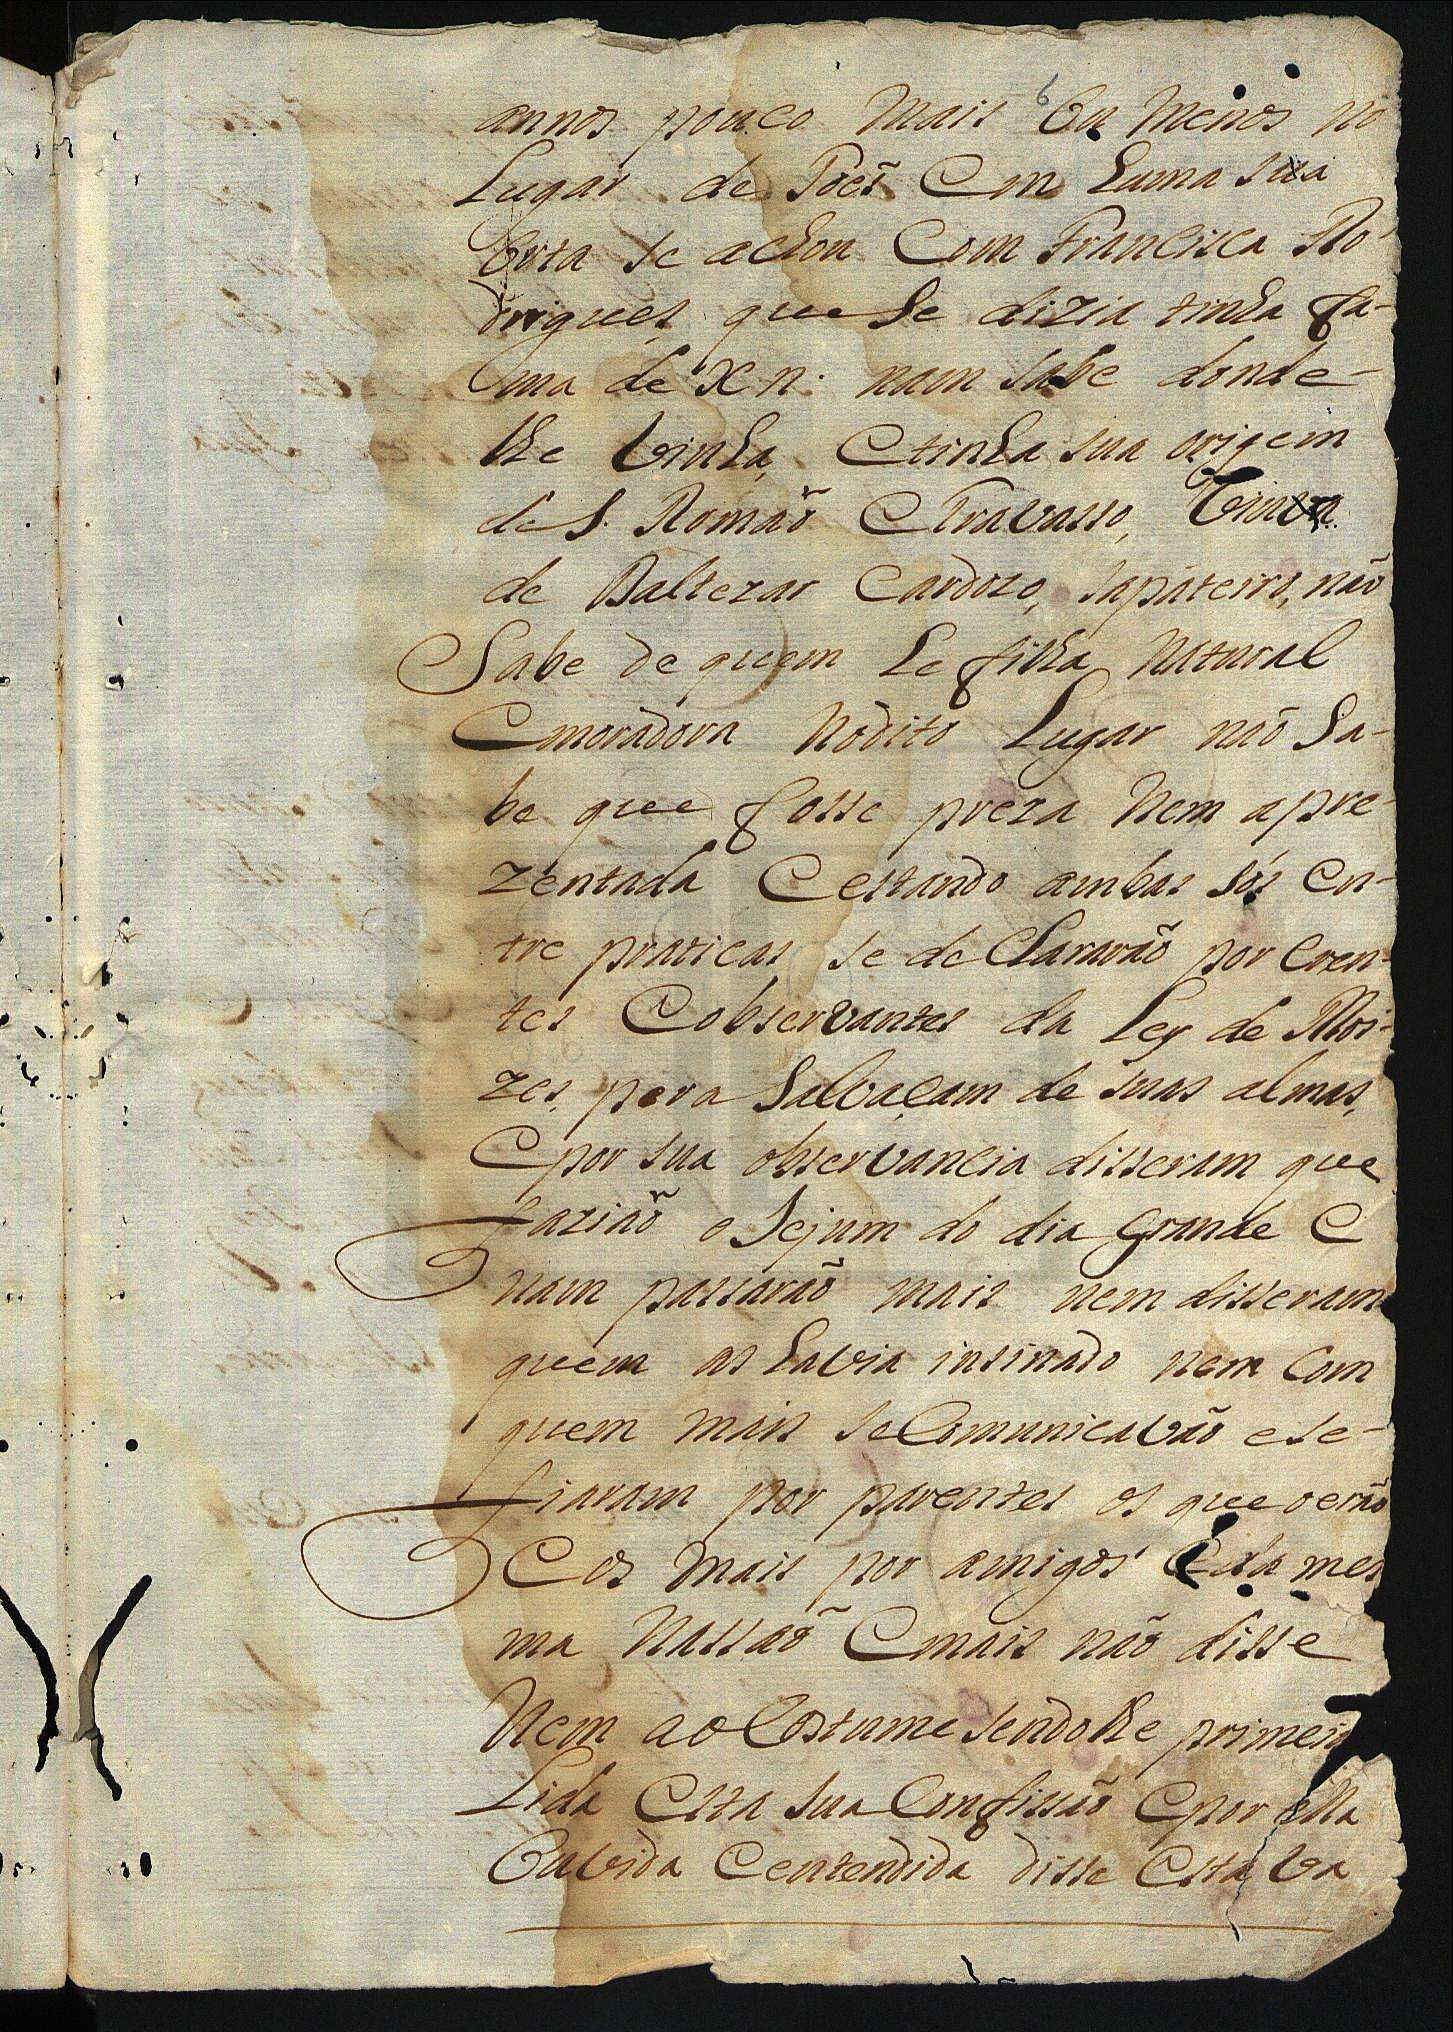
annos pouco mais ou menos no
Lugar de Toẽs em huma sua
Orta se achou com Francisca Ro
drigues, que Se dizia tinha fa
ma de xn. nam sabe donde
lhe Vinha, e tinha sua origem
de S. Romaõ e Travasso, Viuva
de Baltezar cardozo, sapateiro, naõ
Sabe de quem he filha natural
e moradora no dito Lugar naõ Sa
be que fosse preza nem apre
zentada e estando ambas sós en
tre praticas, se declaravaõ por cren
tes e observantes da Ley de Moi
zes, pera Salvaçam de suas almas,
e por sua observancia disseram que
faziaõ o Iejum do dia grande e
nam passaraõ mais nem disseram
quem as havia insinado nem com
quem mais se comunicavaõ e se
fiaram por parentes os que o erão
e os mais por amigos e da mes
ma nassaõ e maiz naõ disse
nem ao costume sendolhe primei_
Lida esta sua confissaõ e por ella
Ouvida e entendida disse estava
